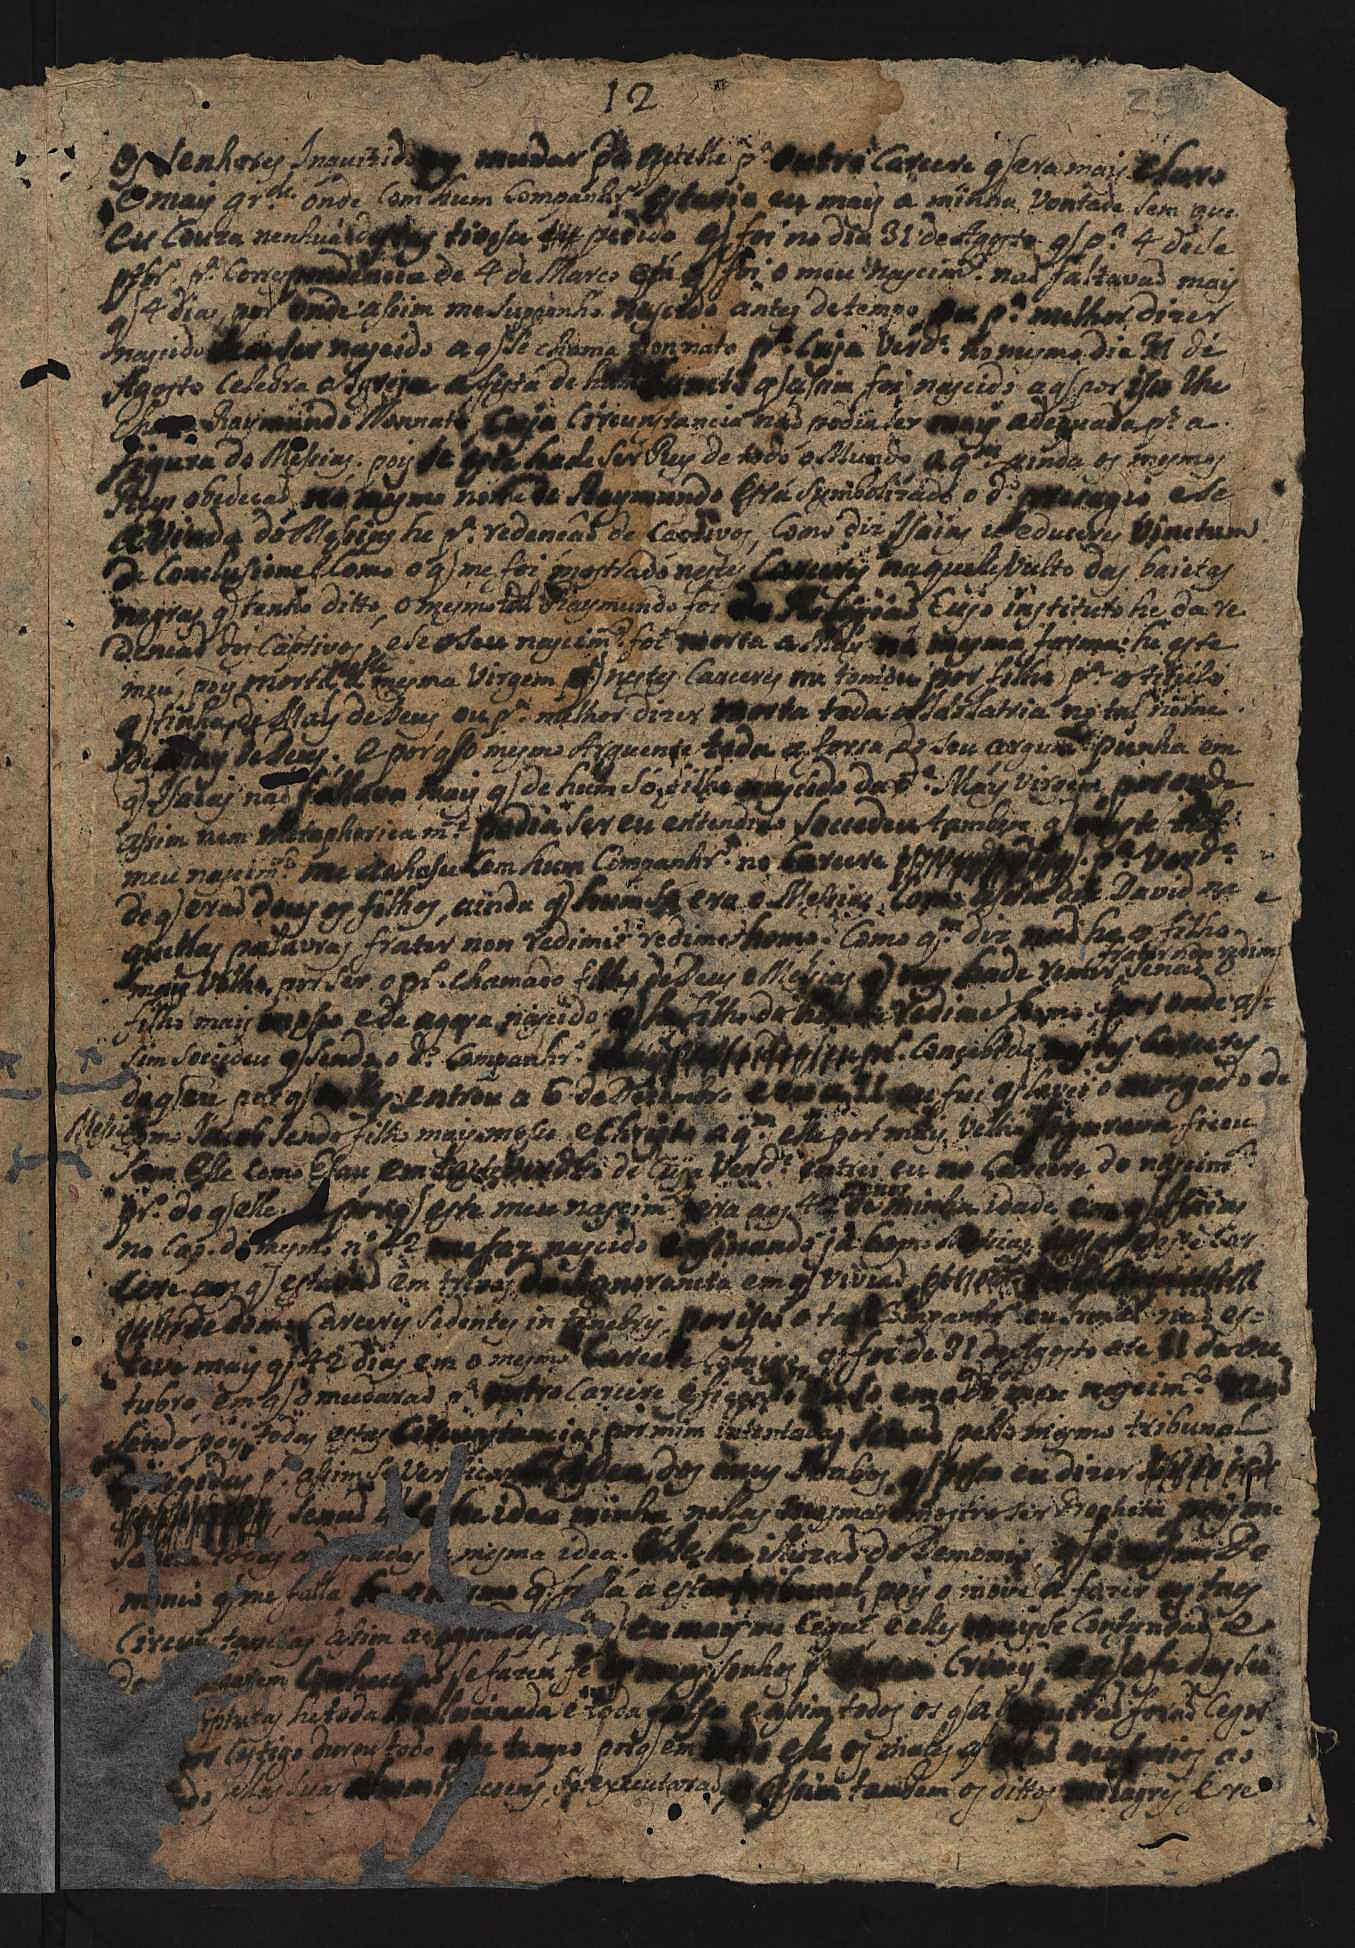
os Senhores Inquisido_s, mudar daquelle pa outro carcere q̄ era mais claro
e mais gr.de onde Com hum Companhro estaria eu mais a minha vontade sem que
eu couza nenhuā destas tivesse que pedido, q̄ foi no dia 31. de Agosto q̄ p.a 4 de se
ptbr.o p.a correspondencia de 4 de Março está q̄ foi o meu nascim.to naõ faltavaõ mais
q̄ 4 dia, por onde assim me supponho nascido antes de tempo ou p.a melhor dizer
nascido ___ ser nascido a q̄ se chama Nonnato p.a Cuja verd.e no mesmo dia 31 di
Agosto Celebra a Igreja a festa de hum__to q̄ assim foi nascido a q̄ por isso lhe
ch_ Raymundo Nonnato, Cuja Circunstancia naõ podia ser mais adequada p.a a
figura do Messias; pois se este ha de ser Rey de todo o Mundo a q.m ainda os mesmos
Reys obedeçaõ, no mesmo nome de Raymundo está symbolizado o d.o presagio, e se
a vinda do Messias he p.a redençaõ de Captivos, como diz Isaias e seduceres Vjnctum
de Conclusione e Como o q̄ me foi mostrado nestes Carceres naquelle Vulto das baietas
negras q̄ tenho ditto, o mesmo tal Raymundo foi da Religiaõ Cujo instituto he da re
dençaõ dos Captivos, e se o seu nascim.to foi morta a May na mesma forma: he este
meu, pois morta nelle a mesma Virgem q̄ nestes Carceres me tomou por filho p.a o titulo
q̄ tinha de May de Deus, ou p.a melhor dizer morta toda a Idolatria no tal, nome
di__ay de Deus. E porq̄ o mesmo Arguente toda a forsa de seu argumto punha em
q̄ Isaias naõ fallava mais q̄ de hum só, filho nascido da d̄.a May virgem, por onde
assim nam metaphoricam.te podia ser eu entendido soccedeu tambem q̄ a este
meu nascim.to me achasse Com hum Companhr.o no Carcere
p.a verd.e
de q̄ eraõ dous os filhos, ainda q̄ hum só era o Messias, como assim diz David na
quellas palavras frater non redimir redimet homo; Como q.m diz naõ he o filho
mais Velho, por ser o pr.o chamado filho de Deus o Messias q̄ nos ha de render,
frater non redim
senaõ
filho mais mosso e de agora nascido, q̄ he filho da hu_ redimet __ e por onde as
sim soccedeu q̄ sendo o d.o Companhr.o
concibida nestes Carceres
de q̄ eu porq̄ __es entrou a 6. de Dezembro e eu assim fui q̄ lavei o morgado de
Messias Como Iacob sendo filho mais mosso, e Christo a q.m elle por mais, velho figurava ficou
sem elle como Esau, em testemunho de Cuja Verd.e entrei eu no Carcere do nascim.to
pr.o do q̄ elle _ porq̄ este meu nascim.to era aos 42 annos de minha idade em q̄ Isaias
no Cap. do mesmo n.o 42 me faz nascido e asinando ja _ M_ssias
cere aos q̄ estavaõ em trevas da Ignorancia em q̄ viviaõ
Carceres sedentes in tenebris, por isso o ta_ Companhr.o ou Irmaõ naõ es
teve mais q̄ 42 dias em o mesmo Carcare Comigo, q̄ foi de 31 de Agosto o de 41 de ou
tubro, em q̄ o mudaraõ p.a outro Carcere e ficando tudo em o d.o meu nascim.to naõ
sendo pois todas estas Circunstancias por mim intentadas senaõ pello mesmo tribunal
_godas p.a assim se ver_ficar
dos mais _abios, q̄ posso eu dizer
,senaõ _duzidas minha nellas mesmas e mostro ser Propheta mais me
todas adequadas _ misma idea. E se he illuzaõ do Demonio
monio q̄ me falla he o m_smo q̄ fa_la a este Tribunal, pois o move a fazer as taes
Circunstancias asim a_guradas p.a q̄ eu mesmo Cegue, e elles mais se Confundaõ, e
Conhece__ se fazem fe os mais sonhos p. ___ Criaeis; e q̄ a fe das scr
ipturas he toda hallucinada e toda falsa e assim todos os q̄ a b__eraõ foraõ Cegos
os Castigo durou todo este tempo porq̄ em _odo esse os males q̄ _aõ necessarios ao
do, ellas suas alum___coens, se_ executaraõ _ assim tambem os dittos milagres, se re
